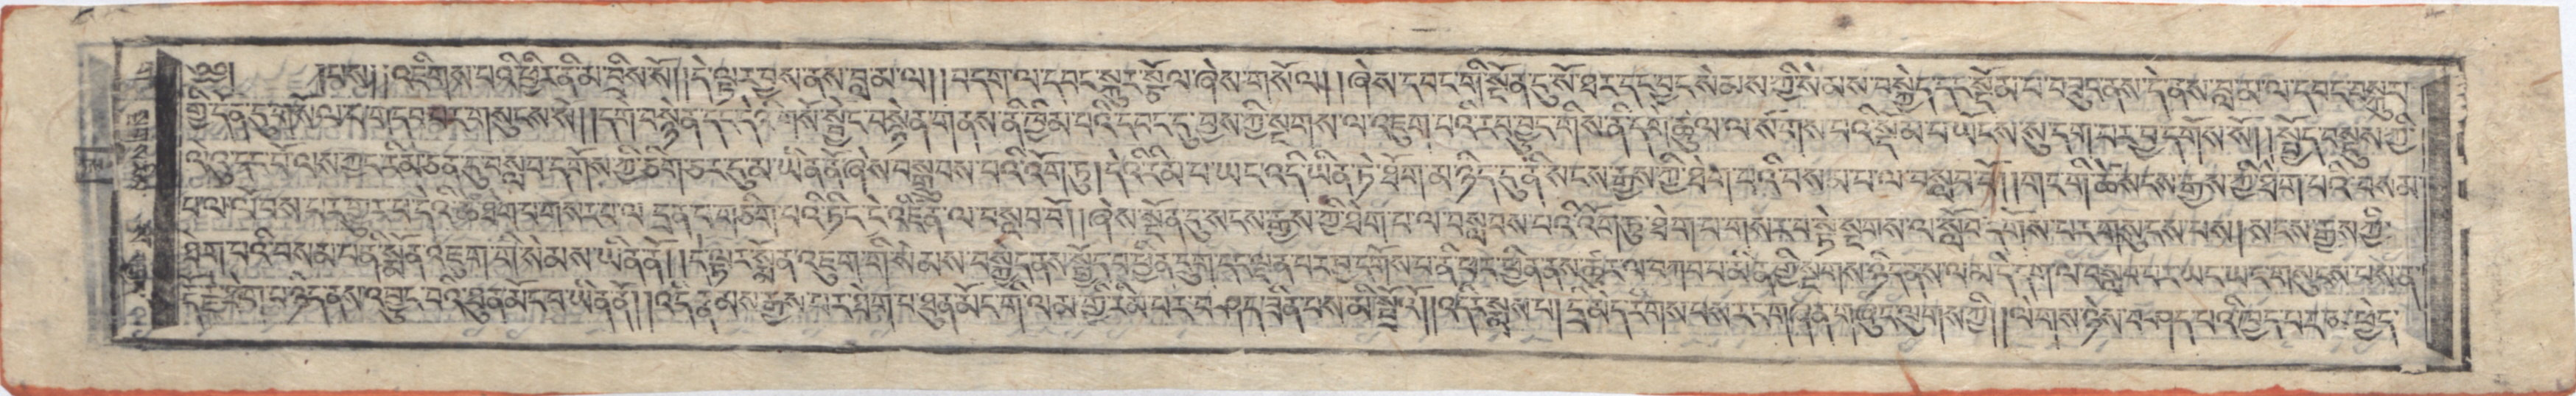༄༅། །པས། །འཇིགས་པའི་ཕྱིར་ནི་མ་བྲིས་སོ། །དེ་ལྟར་བྱས་ནས་བླ་མ་ལ། །བདག་ལ་དབང་སྐུར་སྩོལ་ཞེས་གསོལ། །ཞེས་དབང་གི་སྔོན་དུ་སོ་ཐར་དང་བྱང་སེམས་ཀྱི་སེམས་བསྐྱེད་དང་སྡོམ་པ་བཟུང་ནས་དེ་ནས་བླ་མ་ལ་དབང་བསྐུར་
གྱི་དོན་དུ་གསོལ་བ་གདབ་པར་གསུངས་སོ། །དགེ་བསྙེན་དང་དེའི་གསོ་སྦྱོང་བསྙེན་གནས་ནི་ཁྱིམ་པའི་དབང་དུ་བྱས་ཀྱི་སྔགས་ལ་འཇུག་པའི་རབ་བྱུང་གིས་ནི་དགེ་ཚུལ་ལ་སོགས་པའི་སྡོམ་པ་ཡོངས་སུ་དག་པར་བྱ་དགོས་སོ། །སྤྱོད་བསྡུས་ཀྱི་ལེའུ་དང་པོ་ལས་ཀྱང་རིམ་ཅན་དུ་བསླབ་དགོས་ཀྱི་ཅིག་ཅར་དུ་མ་ཡིན་ནོ་ཞེས་བསྒྲུབས་པའི་འོག་ཏུ། དེའི་རིམ་པ་ཡང་འདི་ཡིན་ཏེ་ཐོག་མ་ཉིད་དུ་ནི་སངས་རྒྱས་ཀྱི་ཐེག་པའི་བསམ་པ་ལ་བསླབ་བོ། །གང་གི་ཚེ་སངས་རྒྱས་ཀྱི་ཐེག་པའི་བསམ་
པ་ལ་ལོབས་པར་གྱུར་པ་དེའི་ཚེ་ཐེག་པ་གསར་བ་ལ་དྲན་པ་གཅིག་པའི་ཏིང་ངེ་འཛིན་ལ་བསླབ་བོ། །ཞེས་སྔོན་དུ་སངས་རྒྱས་ཀྱི་ཐེག་པ་ལ་བསླབས་པའི་འོག་ཏུ་ཐེག་པ་གསར་པ་སྟེ་སྔགས་ལ་སློབ་དགོས་པར་གསུངས་པས། སངས་རྒྱས་ཀྱི་
ཐེག་པའི་བསམ་པ་ནི་སྨོན་འཇུག་གི་སེམས་ཡིན་ནོ། །དེ་ལྟར་སྨོན་འཇུག་གི་སེམས་བསྐྱེད་ནས་སྤྱོད་པ་ཕྱིན་དྲུག་དང་ལྡན་པར་བྱ་དགོས་པ་ནི་ཕར་ཕྱིན་ནས་ཚུར་ལ་བཀབ་པ་མིན་གྱི་སྔགས་ཉིད་ནས་ལམ་དེ་དག་ལ་བསླབ་པར་ཡང་ཡང་གསུངས་པས་ན་
རྡོ་རྗེ་ཐེག་པ་ཉིད་ནས་འབྱུང་བའི་ཐུན་མོང་བ་ཡིན་ནོ། །འདི་རྣམས་རྒྱས་པར་ཐེག་པ་ཐུན་མོང་གི་ལམ་གྱི་རིམ་པར་བཤད་ཟིན་པས་མི་སྤྲོའོ། །འདིར་སྨྲས་པ། དྲི་མེད་རིགས་པས་རང་གཞན་གཞུང་ལུགས་ཀྱི། །ལེགས་ཉེས་བཤད་པའི་ཁྱད་པར་མ་ཕྱེད་